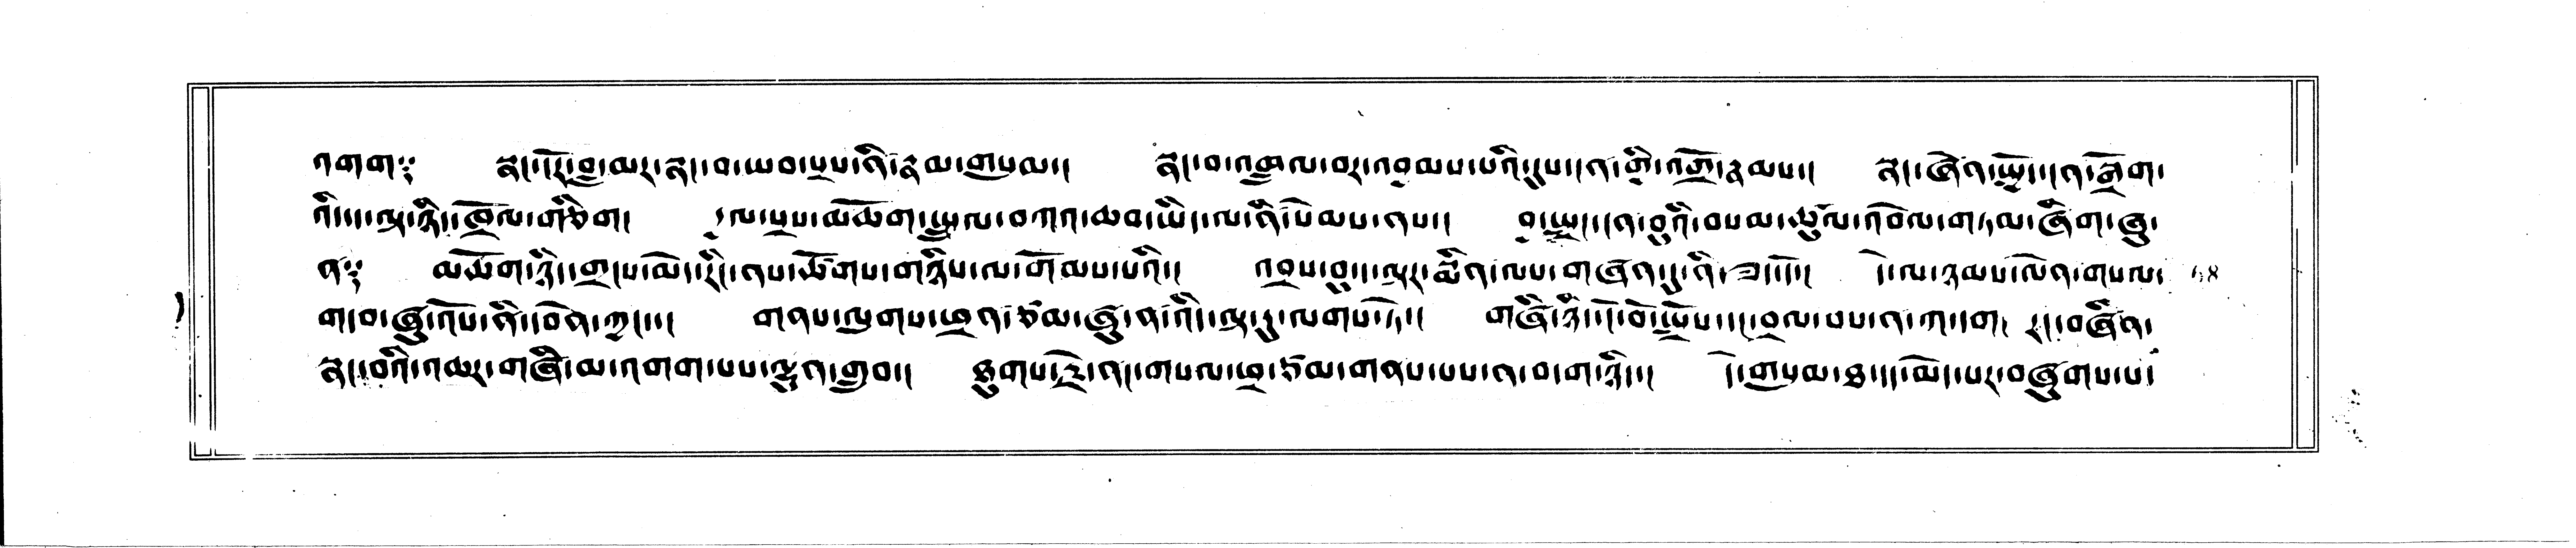འགག །སྣང་ངོར་བླ་མར་སྣང་བ་ཡབ་སྲས་ནི་རྣམ་གསུམ། །སྣང་བ་འཁྲུལ་བར་འབྱམས་པའི་དུས་ངན་གྱི་འགྲོ་རྣམས། །སྣང་ཞེན་སྤྱོད་ངན་སྒྲོག་
འདི་ད་ལྟ་ཉིད་ཁྲོལ་ཅིག །རྒྱལ་སྲས་མཆོག་སྤྲུལ་བཀའ་ཆབ་ཡིད་ལ་ནི་སེམས་ནས། །བྱ་སྤྲང་ངན་བུའི་བསམ་ཚུལ་འབེལ་གཏམ་ཞིག་ཞུ་
ན། །མཆོག་ཉིད་གྲངས་མེད་རིང་ནས་ཚོགས་གཉིས་ལ་གོམས་པའི། །འབྲས་བུ་ད་ལྟར་སྨིན་ལས་གཞན་དུ་ནི་ཟད་དོ། །དེ་ལ་ཉམས་ལེན་གསལ་
གདབ་ཞུ་འོས་ནི་དབེན་ཀྱང་། །གནས་ལུགས་ཕྲན་ཙམ་ཞུ་ན་འདི་ལྟ་རུ་ལགས་ཏེ། །གཞི་ཉིད་ངོ་བོ་སྤྲོས་དང་བྲལ་བས་ན་ཀ་དག །རང་བཞིན་
སྣང་བའི་འཆར་གཞི་མ་འགག་པས་ལྷུན་གྲུབ། །ཐུགས་རྗེ་ནང་གསལ་ཕྲ་ཙམ་གནས་པས་ན་བདག་ཉིད། །དེ་གསུམ་ཐ་དད་མེད་པར་བཞུགས་པ་